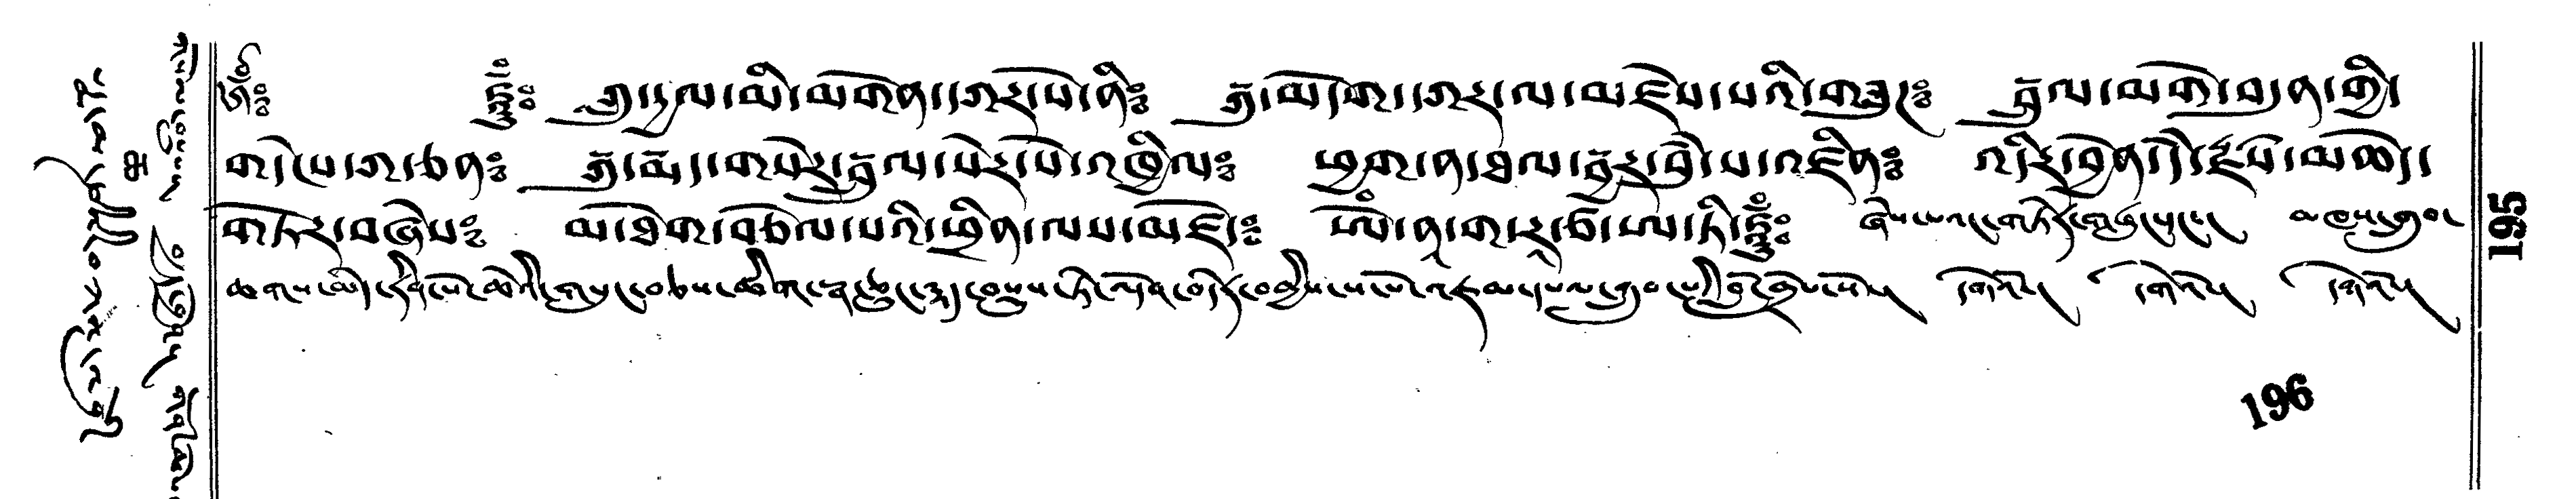ཧཱུྃ༔ ཀླུ་རྒྱལ་མི་མགོན་དཀར་པོ་ནི༔ སྐུ་མདོག་དཀར་ལ་མཛེས་པའི་གཟུགས༔སྦྲུལ་མགོ་བདུན་གྱི་
གདེངས་ཀ་ཅན༔ སྐུ་སྨད་གསེར་སྦྲུལ་སེར་པོ་འཁྱིལ༔ ཕྱག་ན་ཐལ་སྦྱར་བུམ་པ་འཛིན༔ འདིར་བྱོན་དམ་རྫས་མཆོད་
གཏོར་བཞེས༔ མ་ཐོགས་བཅོལ་པའི་ཕྲིན་ལས་མཛོད༔ ཨོཾ་ནཱ་ག་རཱ་ཙ་ཨ་ཏི་ཧཱུྃཿ ཞེས་པའང་གཏེར་གཞུང་དང་མཁས་གྲུབ་
ཆགས་མེད་རིན་པོ་ཆེའི་གསུང་བཅས་ཚིག་སྣ་ཅུང་ཟད་བསྡུས་ཏེ་འདོན་བདེར་བགྱིད་པ་པོ་འཇམ་དཔལ་གྲུབ་པའི་བློ་གྲོས་སོ།། དགེའོ།།